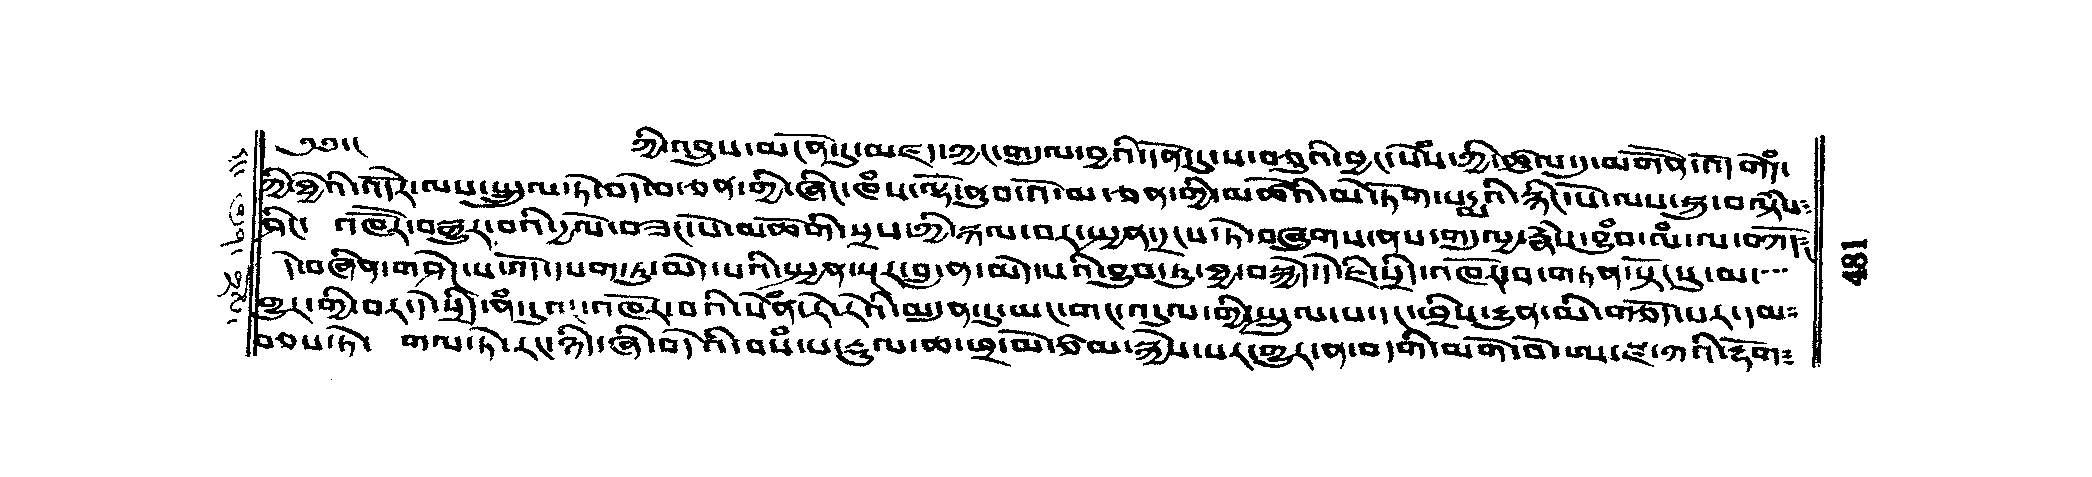པའི་བྱང་ཆུབ་ཀྱི་འབྲས་བུ་མངོན་དུ་མཛད་ཀྱང་གདུལ་བྱའི་དོན་དུ་ས་བཅུའི་བྱང་སེམས་ཀྱི་ཚུལ་དུ་མགོན་པོ་འོད་དཔག་མེད་
ཀྱི་ཐུགས་རྗེའི་འོད་ཟེར་ལས་སྤྲུལ་ཏེ་བདེ་བ་ཅན་གྱི་ཞིང་ཁམས་ལྷོ་ནུབ་འོ་མ་ཅན་གྱི་མཚོའི་མེ་ཏོག་པདྨའི་སྙིང་པོ་ལས་སྐུ་བལྟམས་
ཤིང་། འཁོར་ལོས་བསྒྱུར་བའི་རྒྱལ་པོ་མཆོག་གི་སྲས་ཀྱི་སྐལ་བར་སྤྱན་དྲངས་ཏེ་བཞུགས་ནས་གདུལ་བྱ་རྣམས་བྱང་ཆུབ་ལམ་ལ་བཀོད། 
དེ་བཞིན་བཤེགས་པ་འོད་དཔག་ཏུ་མེད་པའི་སྤྱན་སྔར་བླ་ན་མེད་པའི་བྱང་ཆུབ་ཏུ་ཐུགས་བསྐྱེད་དེ་ཇི་སྲིད་འཁོར་བ་གཏན་སྟོངས་སུ་མ་
གྱུར་གྱི་བར་དེ་སྲིད་ནམ་དུའང་འཁོར་བའི་སོམས་ཅན་རེ་རེའི་མདུན་དུ་ཡང་གང་འདུལ་གྱི་སྤྲུལ་བ་དང་ཕྲིན་ལས་རྒྱུན་མི་གཅོད་པར་དམ་
བཅས་ཏེ།